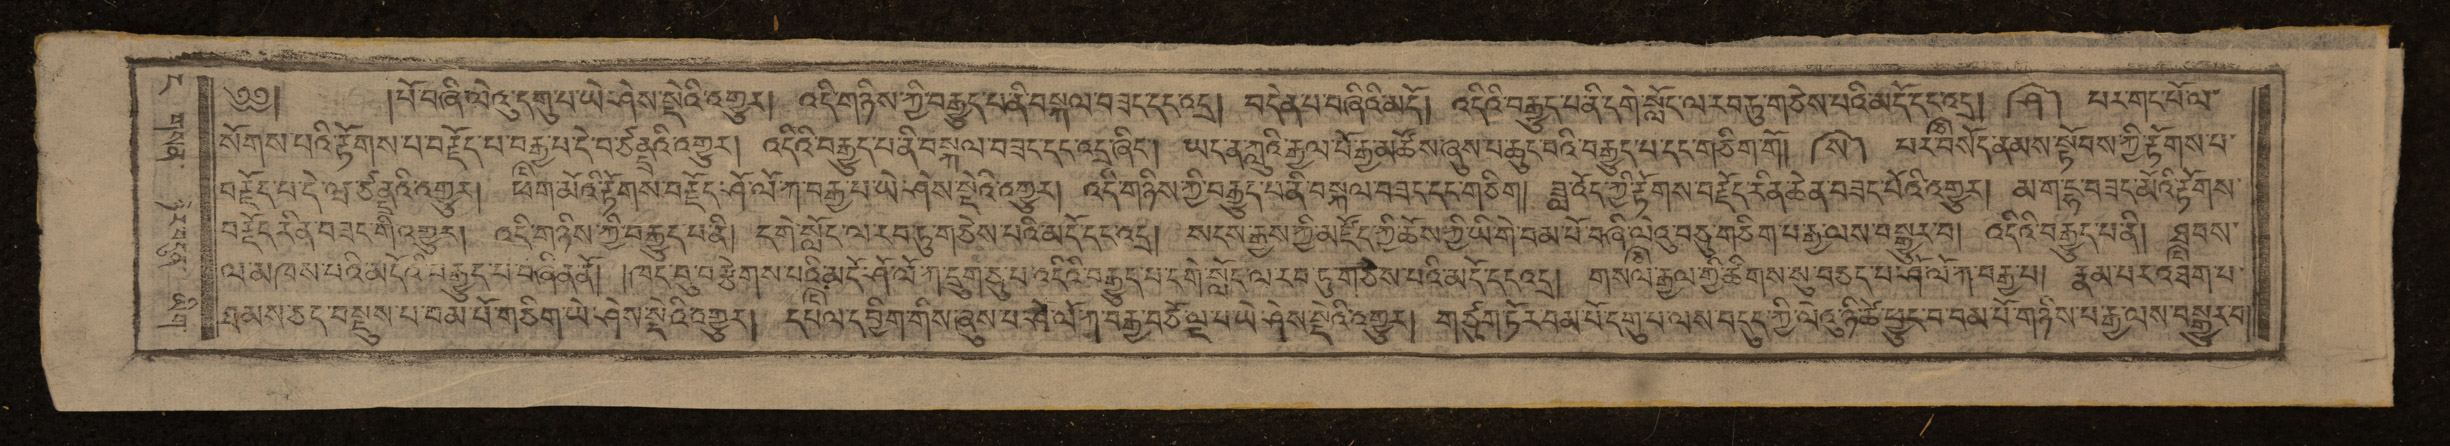༄༅། །པོ་བཞི་ལེའུ་དགུ་པ་ཡེ་ཤེས་སྡེའི་འགྱུར། འདི་གཉིས་ཀྱི་བརྒྱུད་པ་ནི་བསྐལ་བཟང་དང་འདྲ། བདེན་པ་བཞིའི་མདོ། འདིའི་བརྒྱུད་པ་ནི་དགེ་སློང་ལ་རབ་ཏུ་གཅེས་པའི་མདོ་དང་འདྲ། {ཤ}་པར་གང་པོ་ལ་
སོགས་པའི་རྟོགས་པ་བརྗོད་པ་བརྒྱ་པ་དེ་བ་ཙནྡྲའི་འགྱུར། འདིའི་བརྒྱུད་པ་ནི་བསྐལ་བཟང་དང་འདྲ་ཞིང་། ཡང་ན་ཀླུའི་རྒྱལ་པོ་རྒྱ་མཚོས་ཞུས་པ་ཆུང་བའི་བརྒྱུད་པ་དང་གཅིག་གོ། {ས}་པར་བསོད་ནམས་སྟོབས་ཀྱི་རྟོགས་པ་
བརྗོད་པ་དེ་ཝ་ཙནྡྲའི་འགྱུར། ཕག་མོའི་རྟོགས་བརྗོད་ཤོ་ལོ་ཀ་བརྒྱ་པ་ཡེ་ཤེས་སྡེའི་འགྱུར། འདི་གཉིས་ཀྱི་བརྒྱུད་པ་ནི་བསྐལ་བཟང་དང་གཅིག། ཟླ་འོད་ཀྱི་རྟོགས་བརྗོད་རིན་ཆེན་བཟང་པོའི་འགྱུར། མ་ག་དྷ་བཟང་མོའི་རྟོགས་
བརྗོད་རིན་བཟང་གི་འགྱུར། འདི་གཉིས་ཀྱི་བརྒྱུད་པ་ནི། དགེ་སློང་ལ་རབ་ཏུ་གཅེས་པའི་མདོ་དང་འདྲ། སངས་རྒྱས་ཀྱི་མཛོད་ཀྱི་ཆོས་ཀྱི་ཡེ་གེ་བམ་པོ་བཞི་ལེའུ་བཅུ་གཅིག་པ་རྒྱ་ལས་བསྒྱུར་བ། འདིའི་བརྒྱུད་པ་ནི། ཐབས་
ལ་མཁས་པའི་མདོའི་བརྒྱུད་པ་བཞིན་ནོ། །ཁང་བུ་བརྩེགས་པའི་མདོ་ཤོ་ལོ་ཀ་དྲུག་ཅུ་པ་འདིའི་བརྒྱུད་པ་དགེ་སློང་ལ་རབ་ཏུ་གཅེས་པའི་མདོ་དང་འདྲ། གསལ་རྒྱལ་གྱི་ཚིགས་སུ་བཅད་པ་ཤོ་ལོ་ཀ་བརྒྱ་པ། རྣམ་པར་འཐག་པ་
ཐམས་ཅད་བསྡུས་པ་བམ་བོ་གཅིག་ཡེ་ཤེས་སྡེའི་འགྱུར། དཔལ་དབྱིག་གིས་ཞུས་པ་ཤོ་ལོ་ཀ་བརྒྱ་བཅོ་ལྔ་པ་ཡེ་ཤེས་སྡེའི་འགྱུར། གཙུག་ཏོར་བམ་པོ་དགུ་པ་ལས་བདུད་ཀྱི་ལེའུ་ཉི་ཚེ་ཕྱུང་བ་བམ་པོ་གཉིས་པ་རྒྱ་ལས་བསྒྱུར་བ་